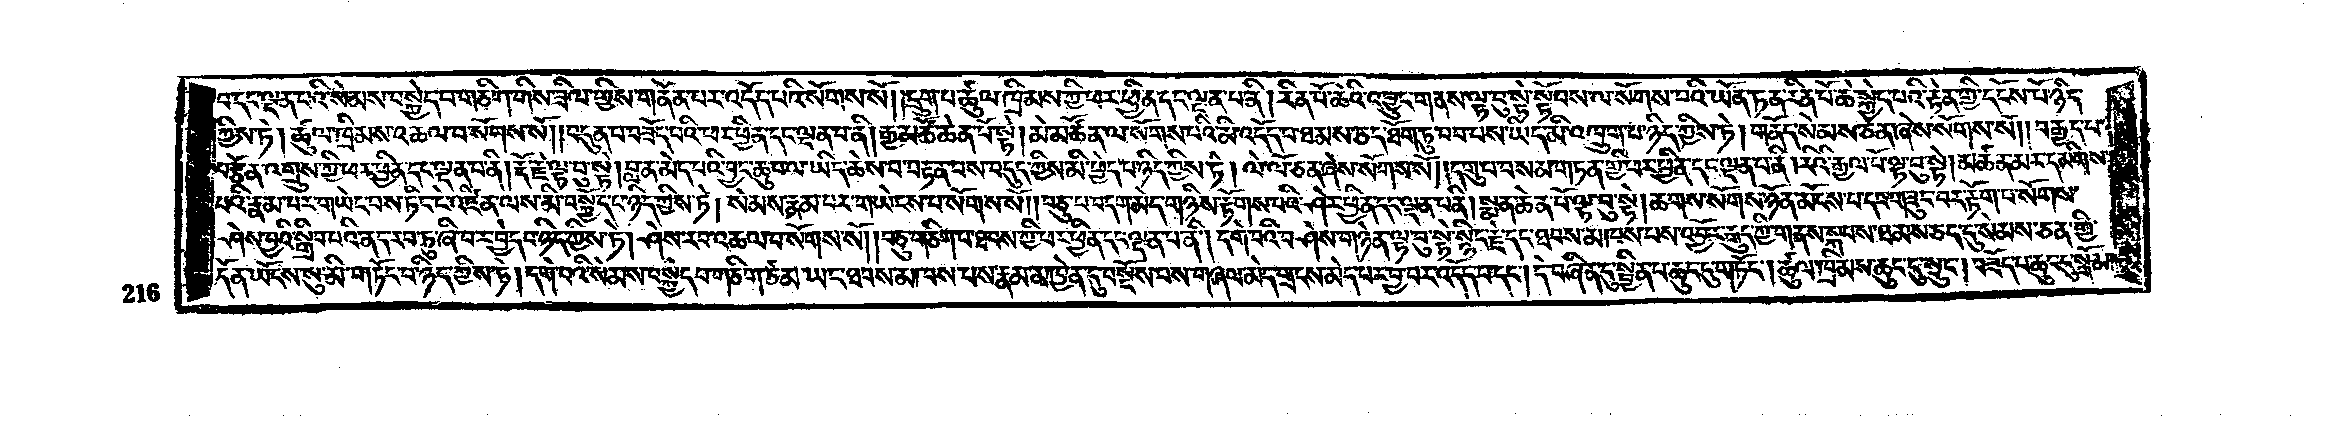བ་དང་ལྡན་པའི་སེམས་བསྐྱེད་པ་གཅིག་གིས་ཟིལ་གྱིས་གནོན་པར་འདོད་པའི་སོགས་སོ། །དྲུག་པ་ཚུལ་ཁྲིམས་ཀྱི་ཕར་ཕྱིན་དང་ལྡན་པ་ནི། རིན་པོ་ཆེའི་འབྱུང་གནས་ལྟ་བུ་སྟེ་སྟོབས་ལ་སོགས་པའི་ཡོན་ཏན་རིན་པོ་ཆེ་སྐྱེད་པའི་རྟེན་གྱི་དངོས་པོ་ཉིད་
ཀྱིས་ཏེ། ཚུལ་ཁྲིམས་འཆལ་བ་སོགས་སོ། །བདུན་པ་བཟོད་པའི་ཕར་ཕྱིན་དང་ལྡན་པ་ནི། རྒྱ་མཚོ་ཆེན་པོ་སྟེ། མེ་མཚོན་ལ་སོགས་པའི་མི་འདོད་པ་ཐམས་ཅད་ཐོག་ཏུ་བབ་པས་ཡིད་མི་འཁྲུག་པ་ཉིད་ཀྱིས་ཏེ། གནོད་སེམས་ཅན་ཞེས་སོགས་སོ། །བརྒྱད་པ་
བརྩོན་འགྲུས་ཀྱི་ཕར་ཕྱིན་དང་ལྡན་པ་ནི། རྡོ་རྗེ་ལྟ་བུ་སྟེ། བླ་ན་མེད་པའི་བྱང་ཆུབ་ལ་ཡིད་ཆེས་པ་བརྟན་པས་བདུད་ཀྱིས་མི་ཕྱེད་པ་ཉིད་ཀྱིས་ཏེ། ལེ་ལོ་ཅན་ཞེས་སོགས་སོ། །དགུ་པ་བསམ་གཏན་གྱི་ཕར་ཕྱིན་དང་ལྡན་པ་ནི། རིའི་རྒྱལ་པོ་ལྟ་བུ་སྟེ། མཚན་མར་དམིགས་
པའི་རྣམ་པར་གཡེང་བས་ཏིང་ངེ་འཛིན་ལས་མི་བསྐྱོད་པ་ཉིད་ཀྱིས་ཏེ། སེམས་རྣམ་པར་གཡེངས་པ་སོགས་སོ། །བཅུ་པ་བདག་མེད་གཉིས་རྟོགས་པའི་ཤེར་ཕྱིན་དང་ལྡན་པ་ནི། སྨན་ཆེན་པོ་ལྟ་བུ་སྟེ། ཆགས་སོགས་ཉོན་མོངས་པ་དང་གཟུང་བར་རྟོག་པ་སོགས་
ཤེས་བྱའི་སྒྲིབ་པའི་ནད་རབ་ཏུ་ཞི་བར་བྱེད་པ་ཉིད་ཀྱིས་ཏེ། ཤེས་རབ་འཆལ་བ་སོགས་སོ། །བཅུ་གཅིག་པ་ཐབས་ཀྱི་ཕར་ཕྱིན་དང་ལྡན་པ་ནི། དགེ་བའི་བཤེས་གཉེན་ལྟ་བུ་སྟེ་སྙིང་རྗེ་དང་ཐབས་མཁས་པས་འབྱོར་རྒུད་ཀྱི་གནས་སྐབས་ཐམས་ཅད་དུ་སེམས་ཅན་གྱི་
དོན་ཡོངས་སུ་མི་གཏོང་བ་ཉིད་ཀྱིས་ཏེ། དགེ་བའི་སེམས་བསྐྱེད་པ་གཅིག་ཙམ་ཡང་ཐབས་མཁས་པས་རྣམ་མཁྱེན་དུ་བསྔོས་པས་གཞལ་མེད་གྲངས་མེད་པར་བྱ་བར་འདོད་པ་དང་། དེ་བཞིན་དུ་སྦྱིན་པ་ཆུང་ངུ་གཏོང་། ཚུལ་ཁྲིམས་ཆུང་ངུ་སྲུང་། བཟོད་པ་ཆུང་ངུ་སྒོམ།